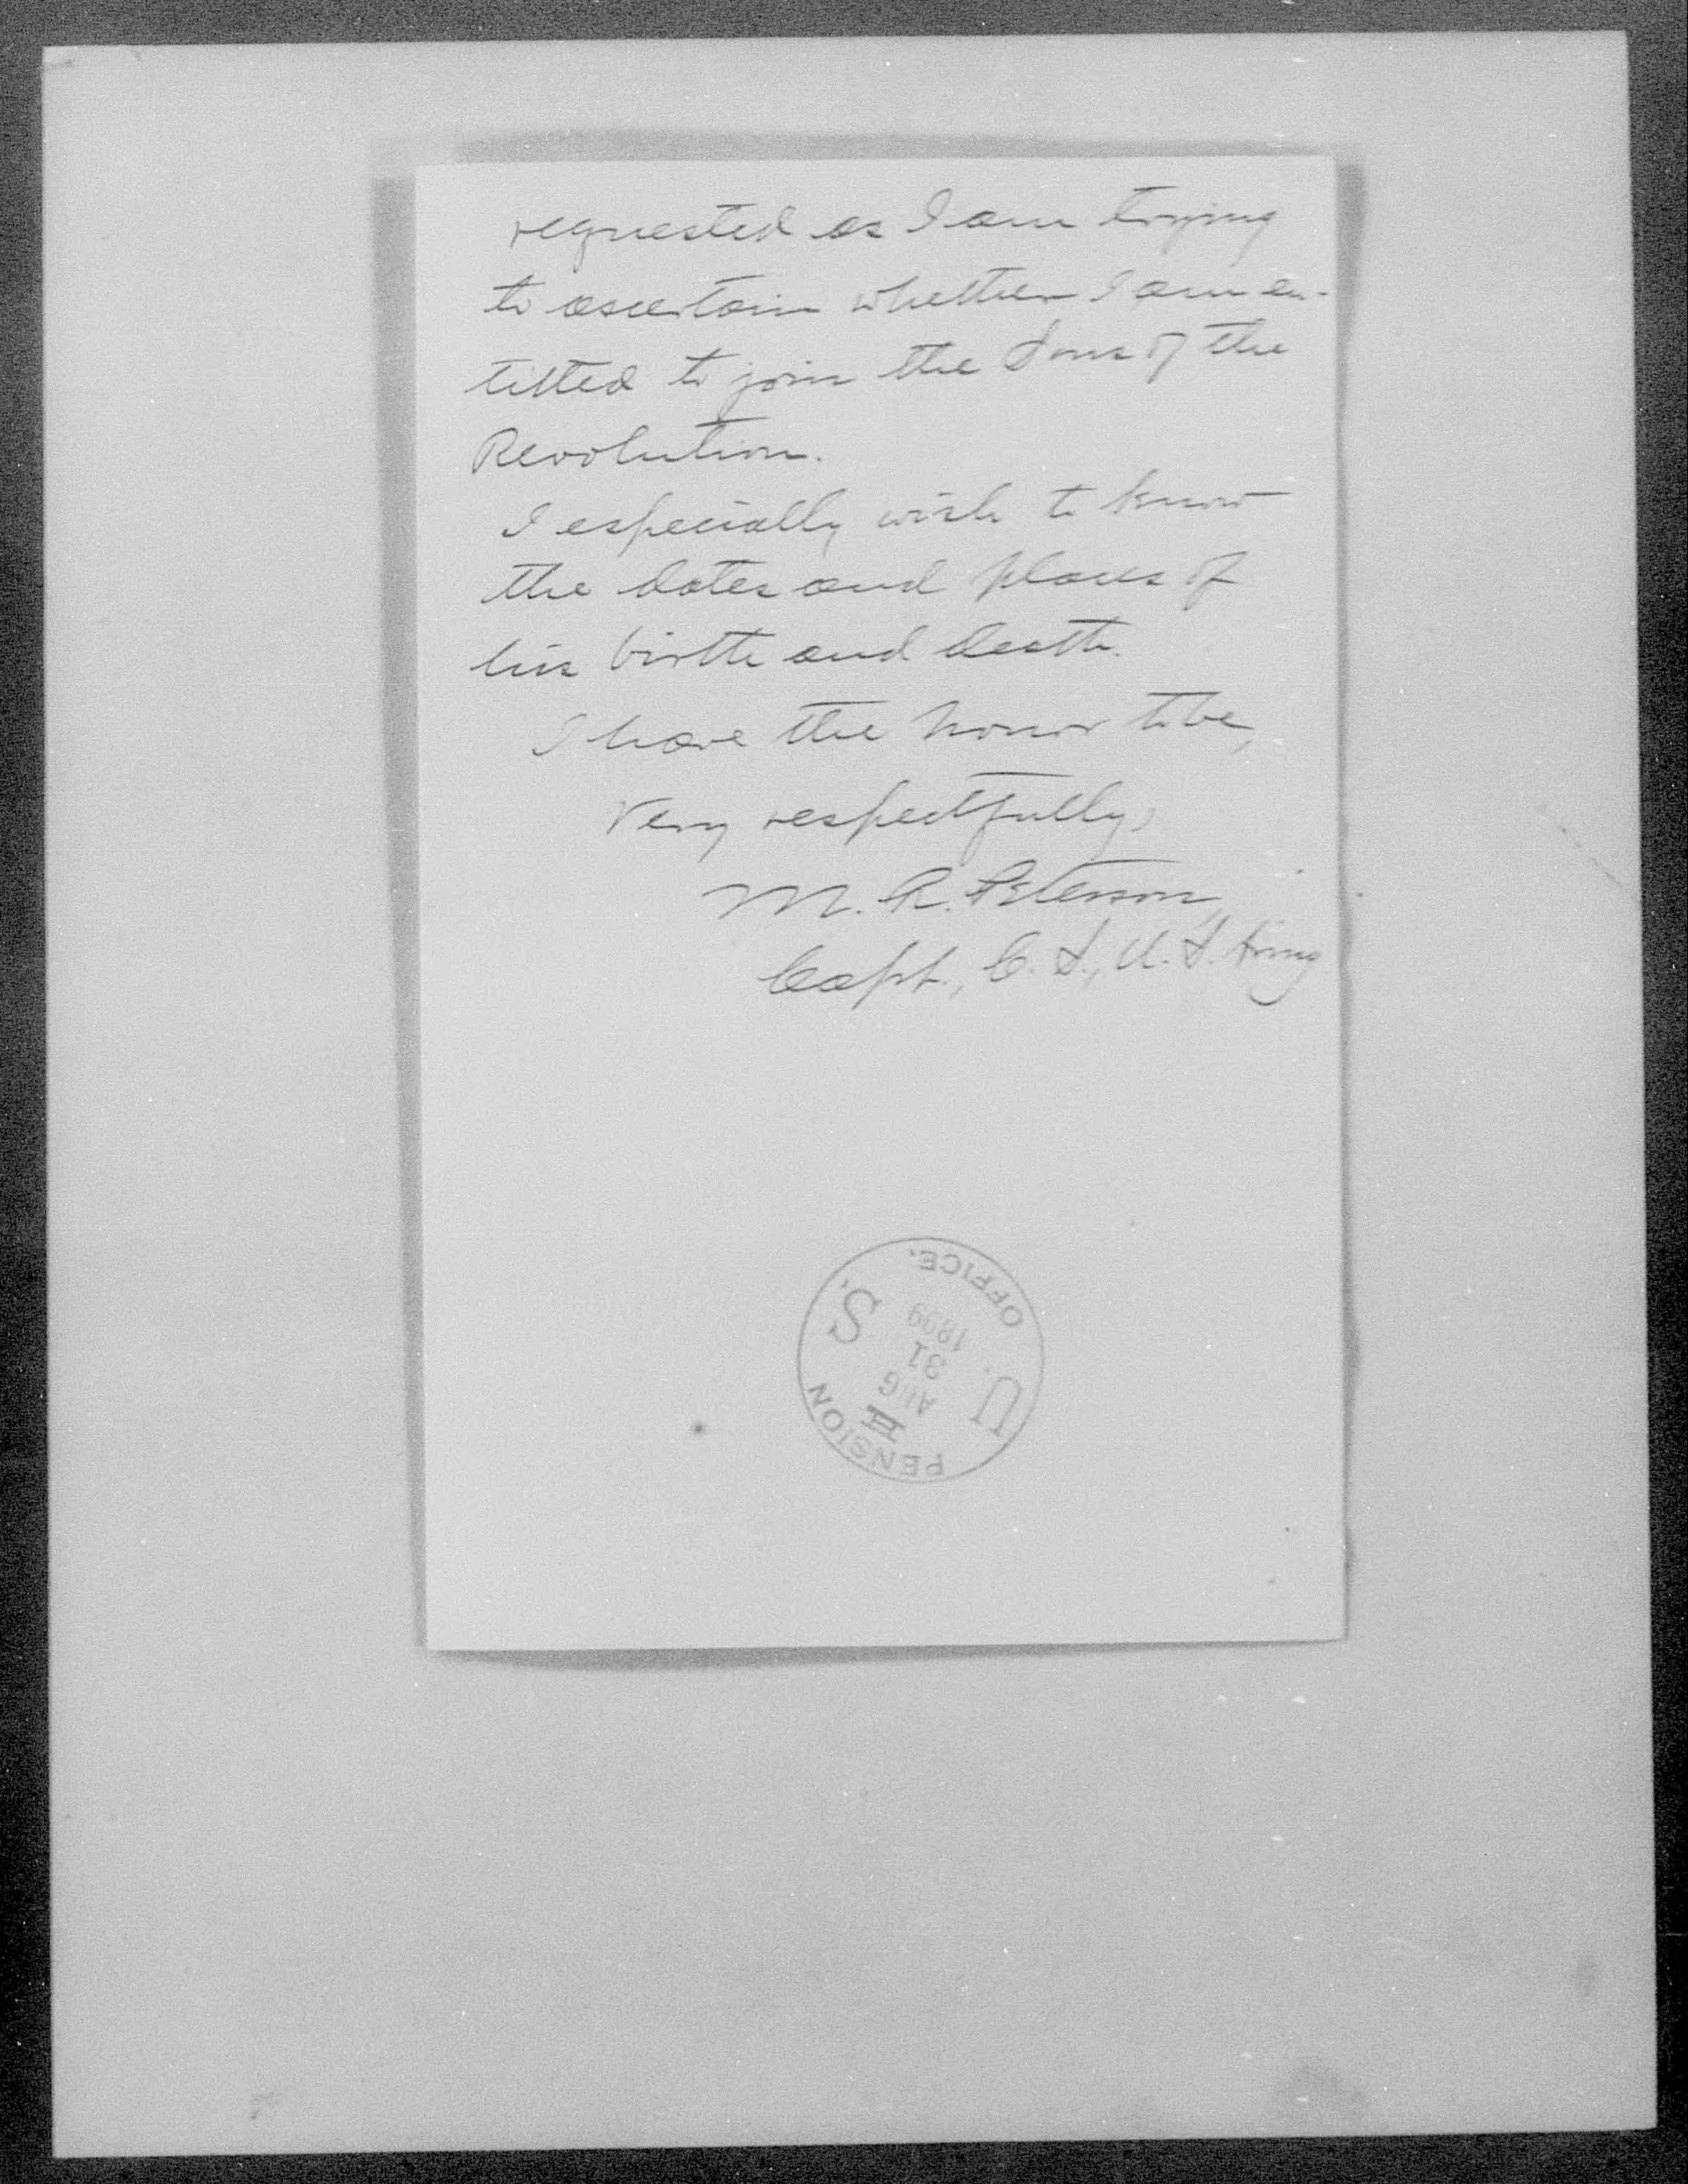requested as I am trying to ascertain whether I am entitled to join sons of the revolution.
I especially wish to know the dates and places of his birth and death.
I have the honor to be very respectfully
M.R. Peterson
Capt, C. S. U. S. (illegible)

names: M R Peterson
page: 12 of 13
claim: survivor's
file: S. 9,456, for John Peterson, North Carolina